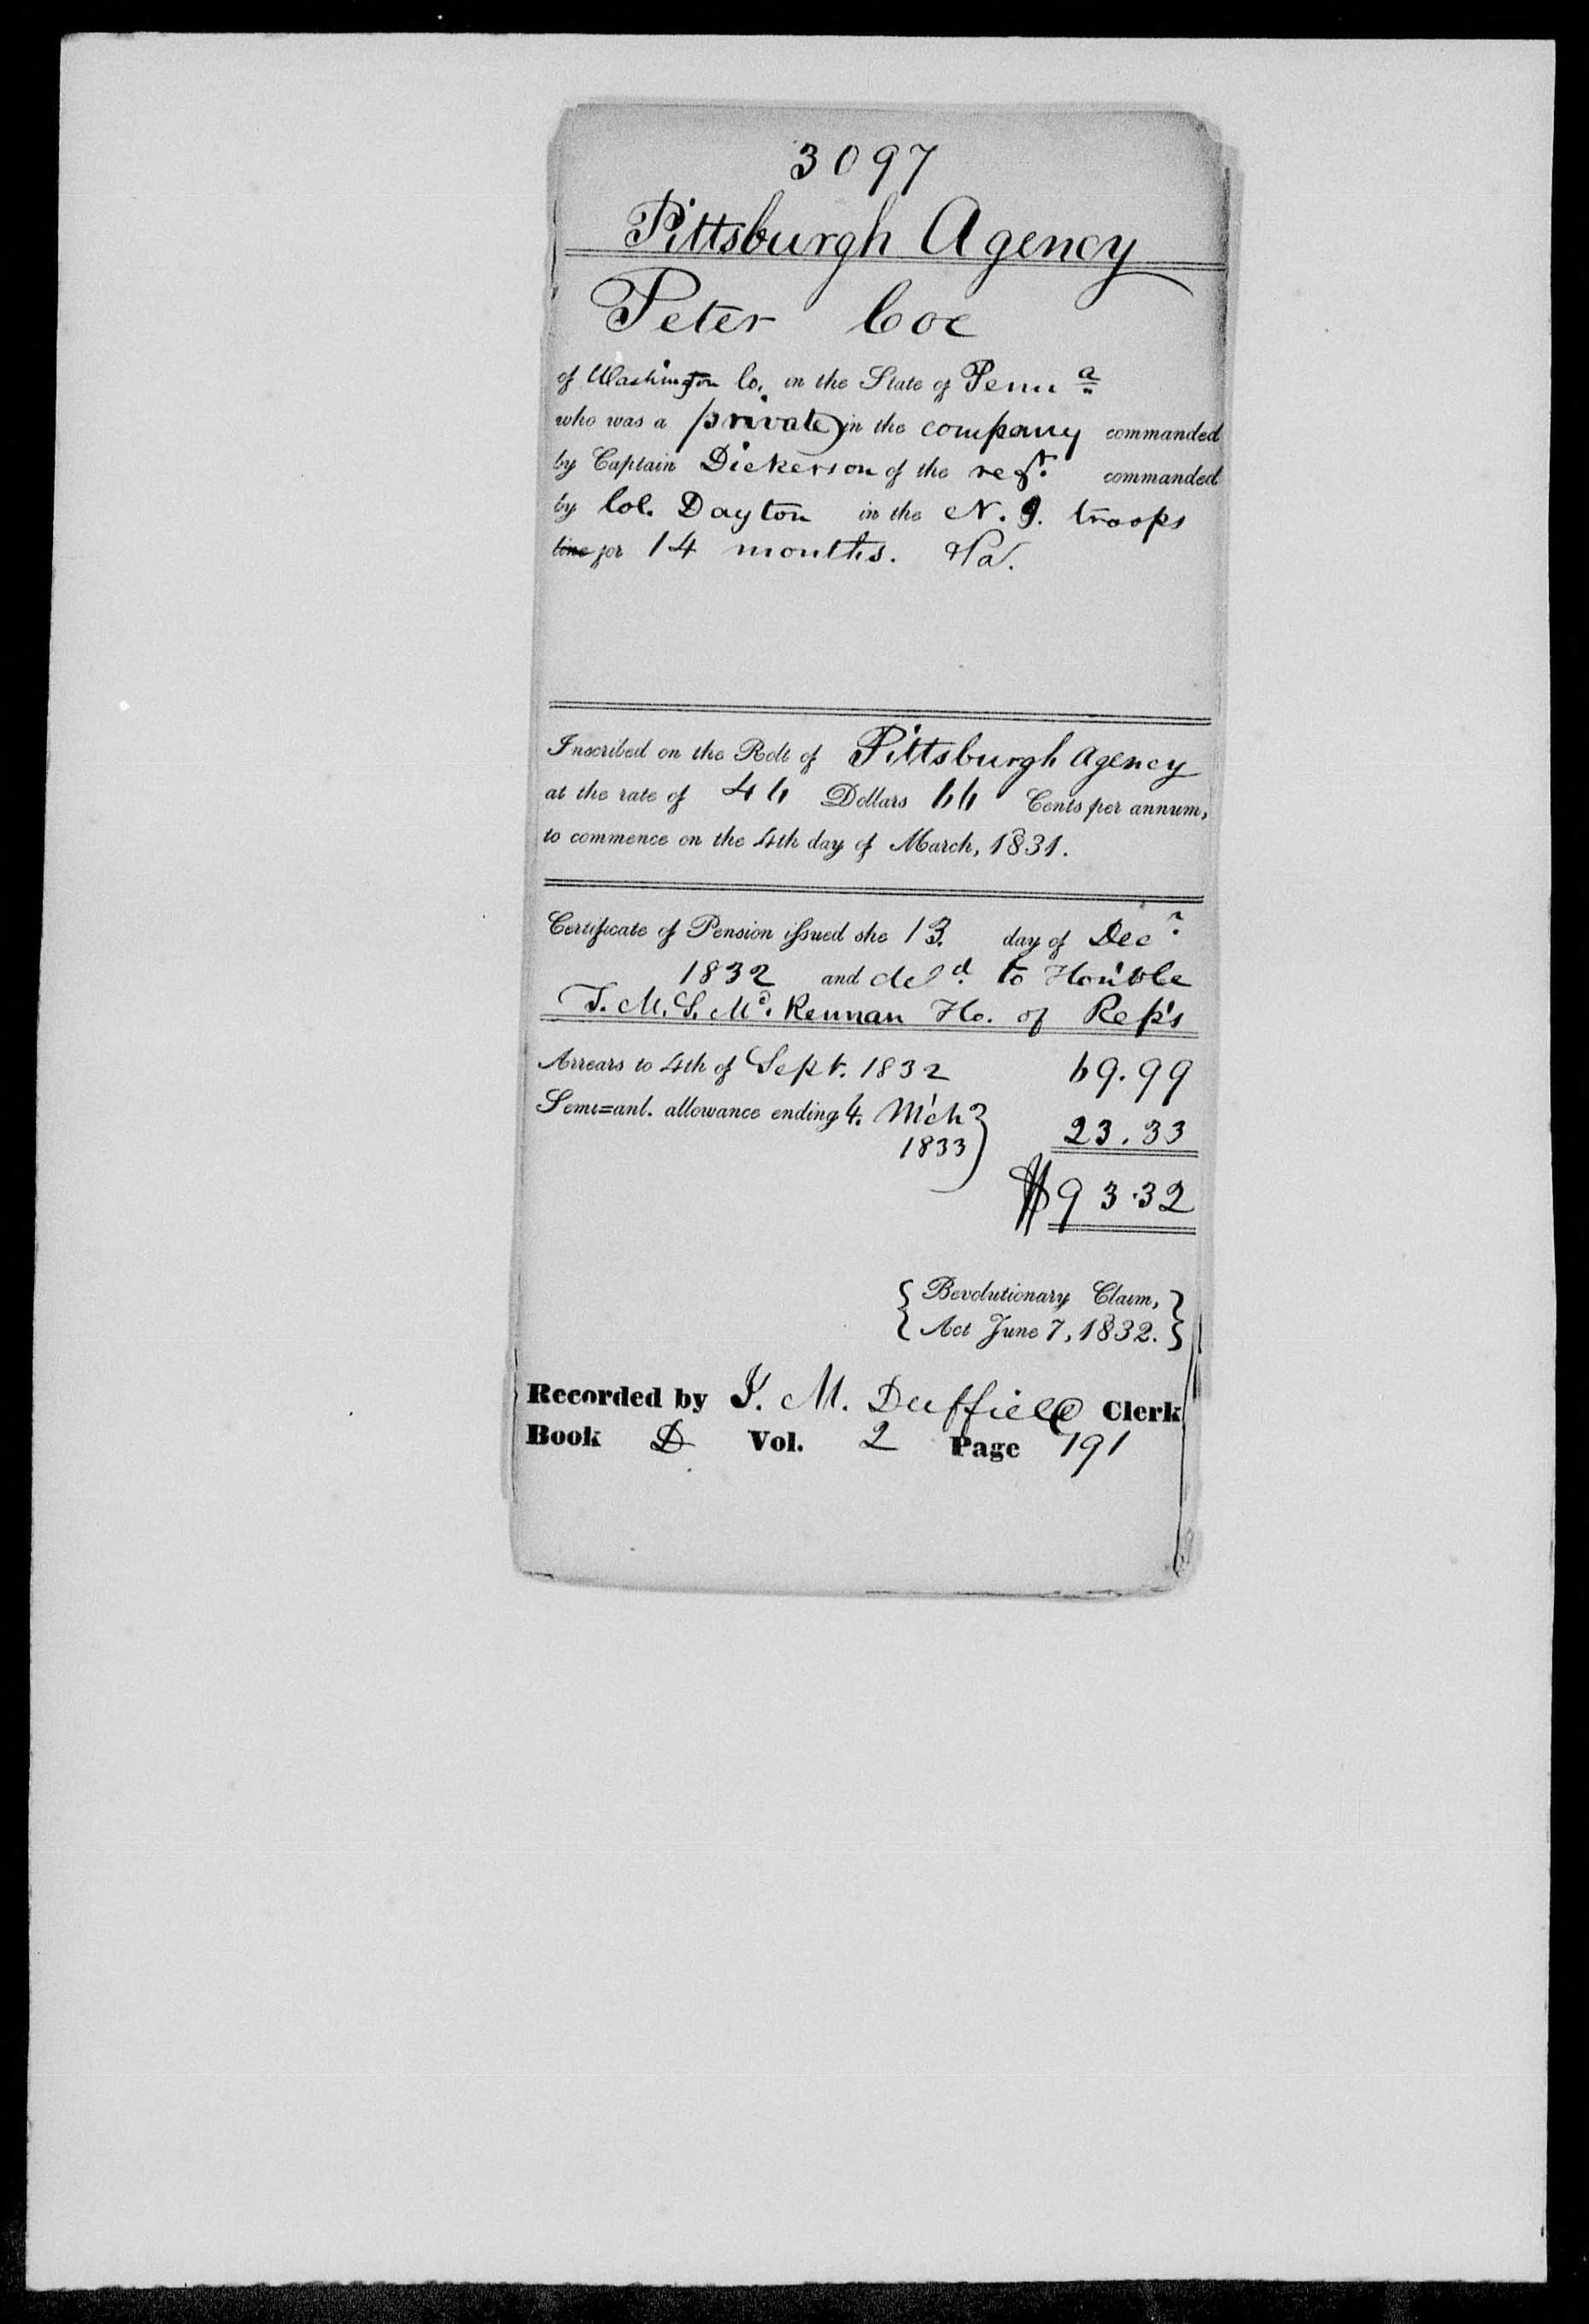3097
Pittsburgh Agency
Peter Coe of Washington Co. in the State of Penn-a who was a private in the company commanded by Captain Dickerson of the regt. commanded by Col. Dayton in the N.J. troops for 14 months. Pa.

Inscribed on the Roll of Pittsburgh Agency at the rate of 46 Dollars 66 Cents per annum, to commence on the 4th day of March, 1831,

Certificate of Pension issued the 13. day of Decr. 1832 and dcld. to Honorable T. M. T. McKennan Ho. of Rep's 

Arrears to 4th of Sept. 1832 69.99
Semi=anl. allowance ending 4. March 1833 at 23.33 [total] $93.32

{Revolutionary Claim, Act June 7, 1832.}

Recorded by J. M. Duffield Clerk 
Book D Vol. 2 Page 791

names: J M Duffield, Dayton, T M T Mc Kennan, Dickerson, Peter Coe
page: 2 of 23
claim: survivor's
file: S. 3167, Peter Coe, New Jersey Penn.